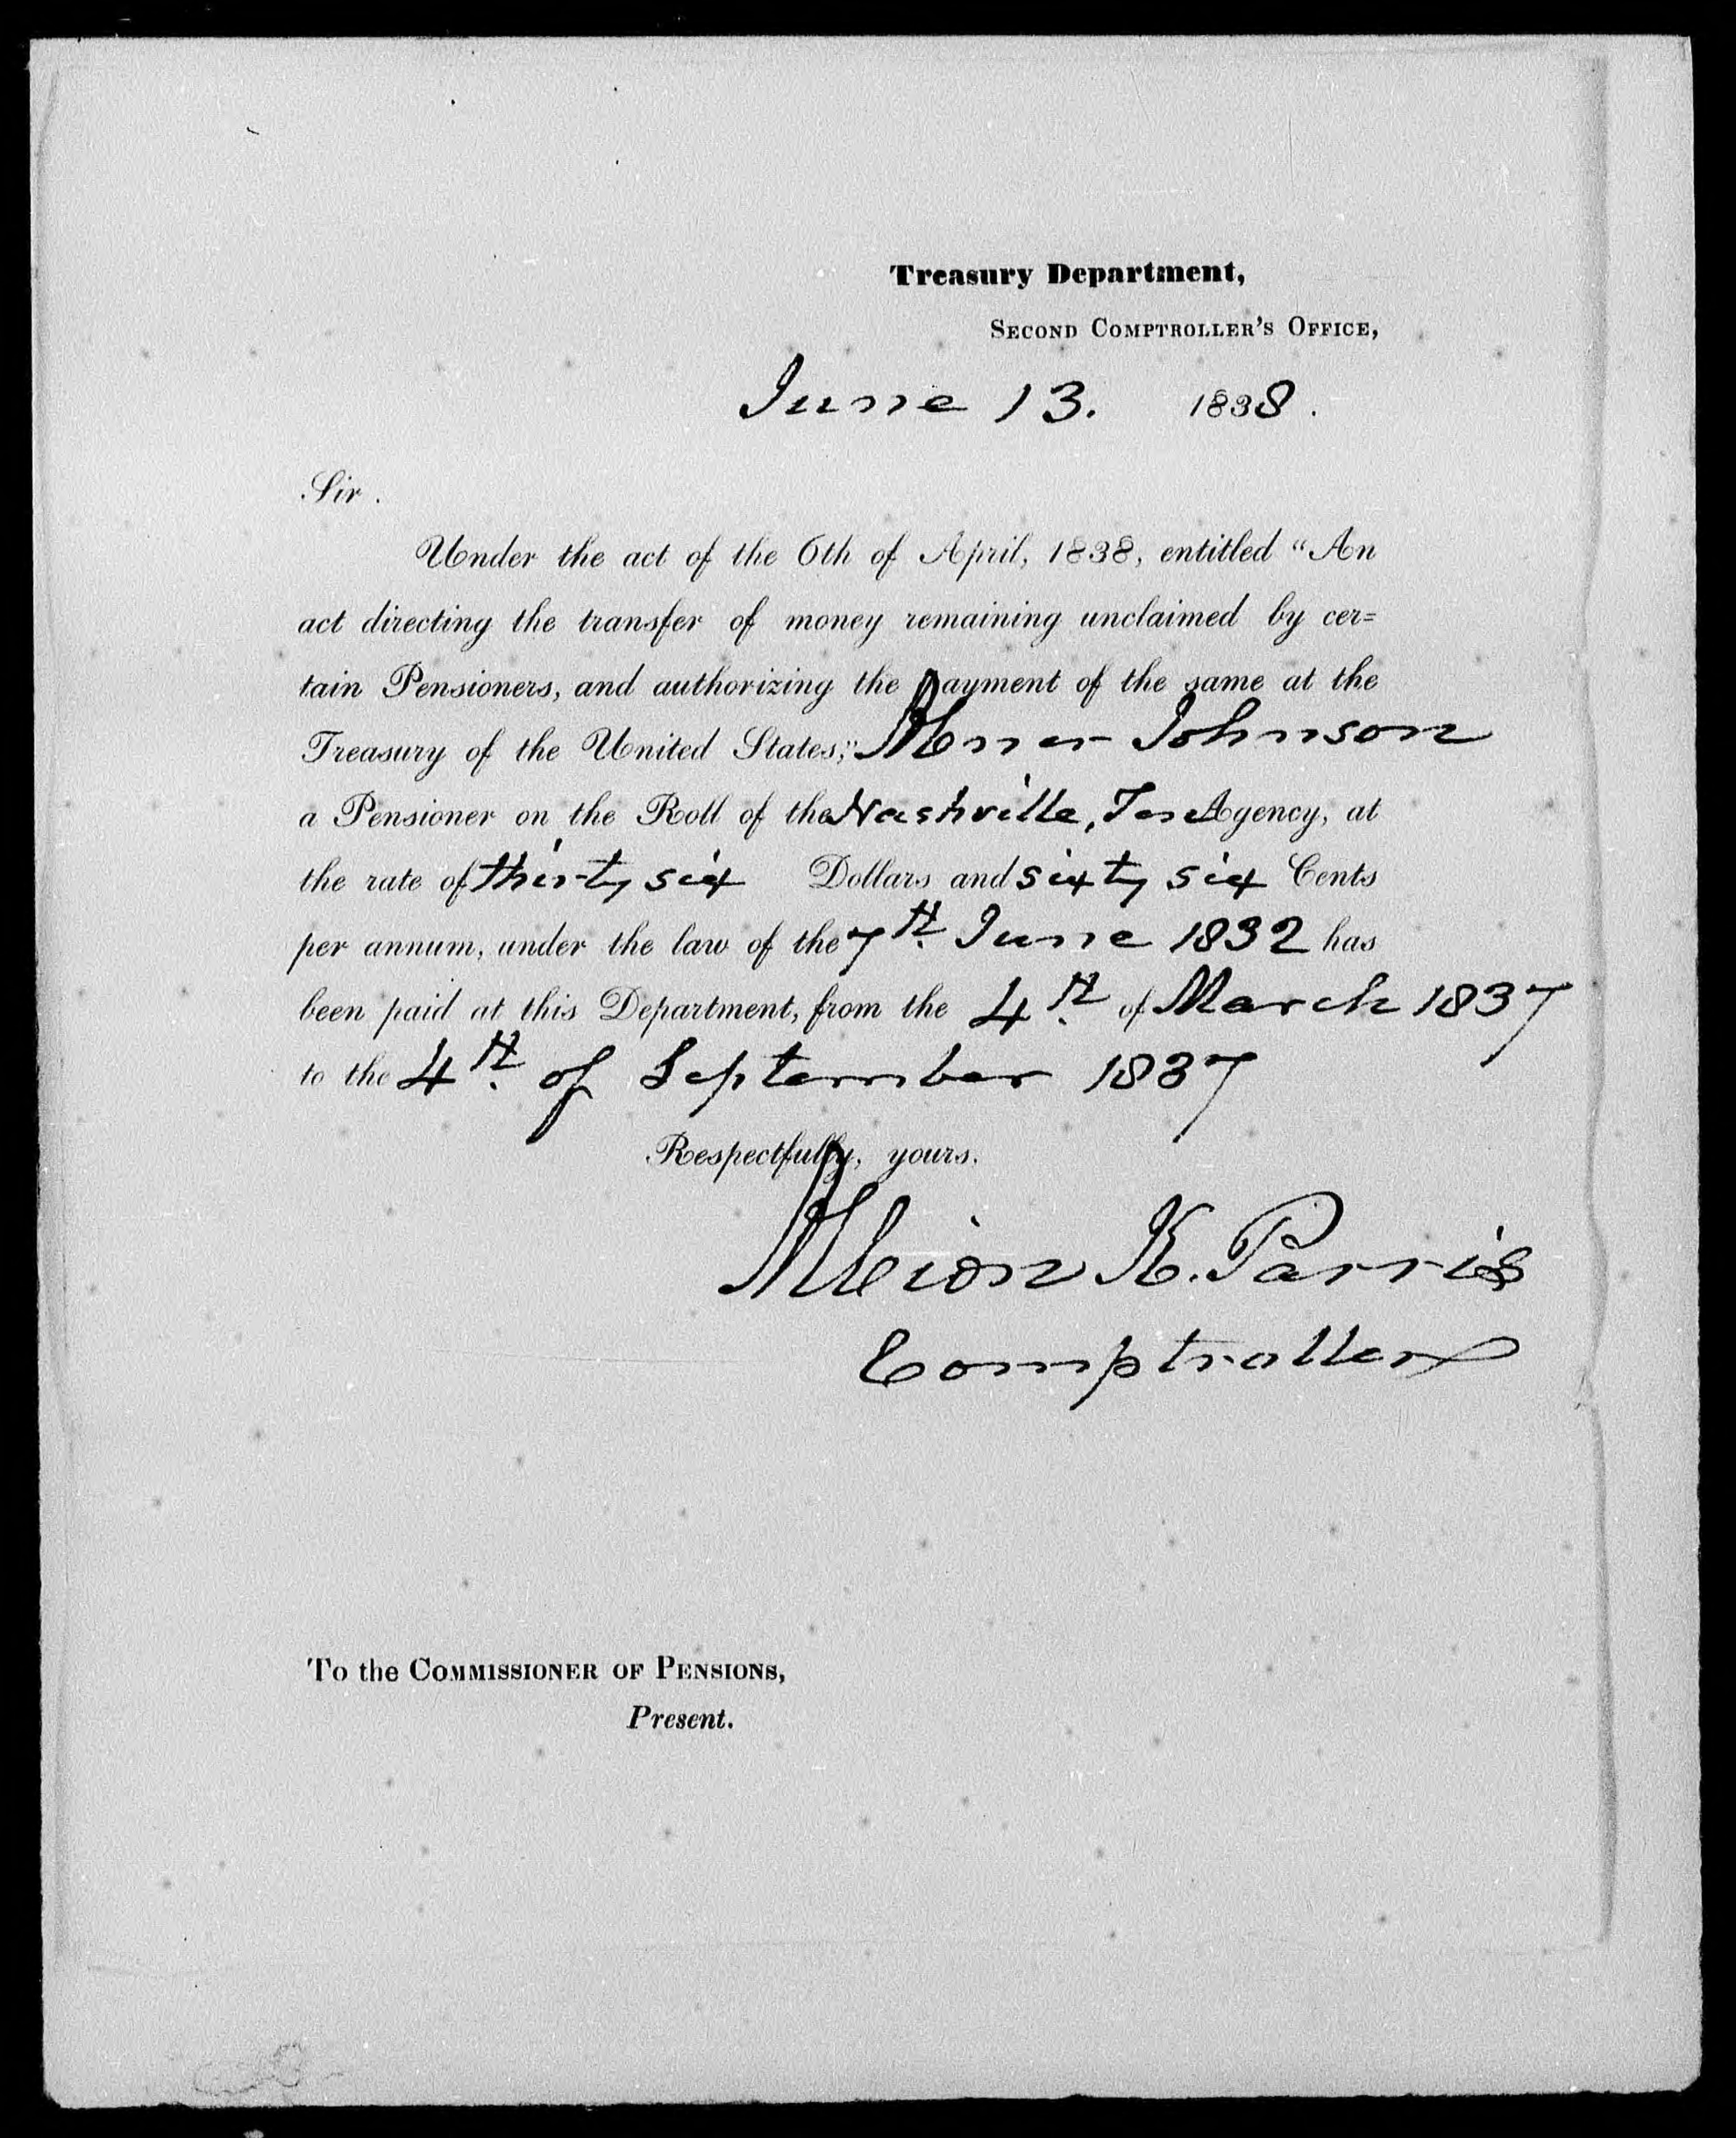Treasury Department,
SECOND COMPTROLLER'S OFFICE,
June 13, 1838

Sir,
     Under the act of the 6th of April, 1838, entitled "An act directing the transfer of money remaining unclaimed by certain Pensioners, and authorizing the payment of the same at the Treasury of the United States," Abner Johnson a Pensioner on the Roll of the Nashville, Ten Agency, at the rate of thirty six Dollars and sixty six Cents per annum, under the law of the 7th June 1832 has been paid at this Department, from the 4th of March 1837 to the 4th of September 1837
               Respectfully, yours,
               Albion K. Parris
                    Comptroller

TO THE COMMISSIONER OF PENSIONS,
Present.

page: 20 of 27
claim: rejected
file: R. 5649, for Abner Johnson, North Carolina